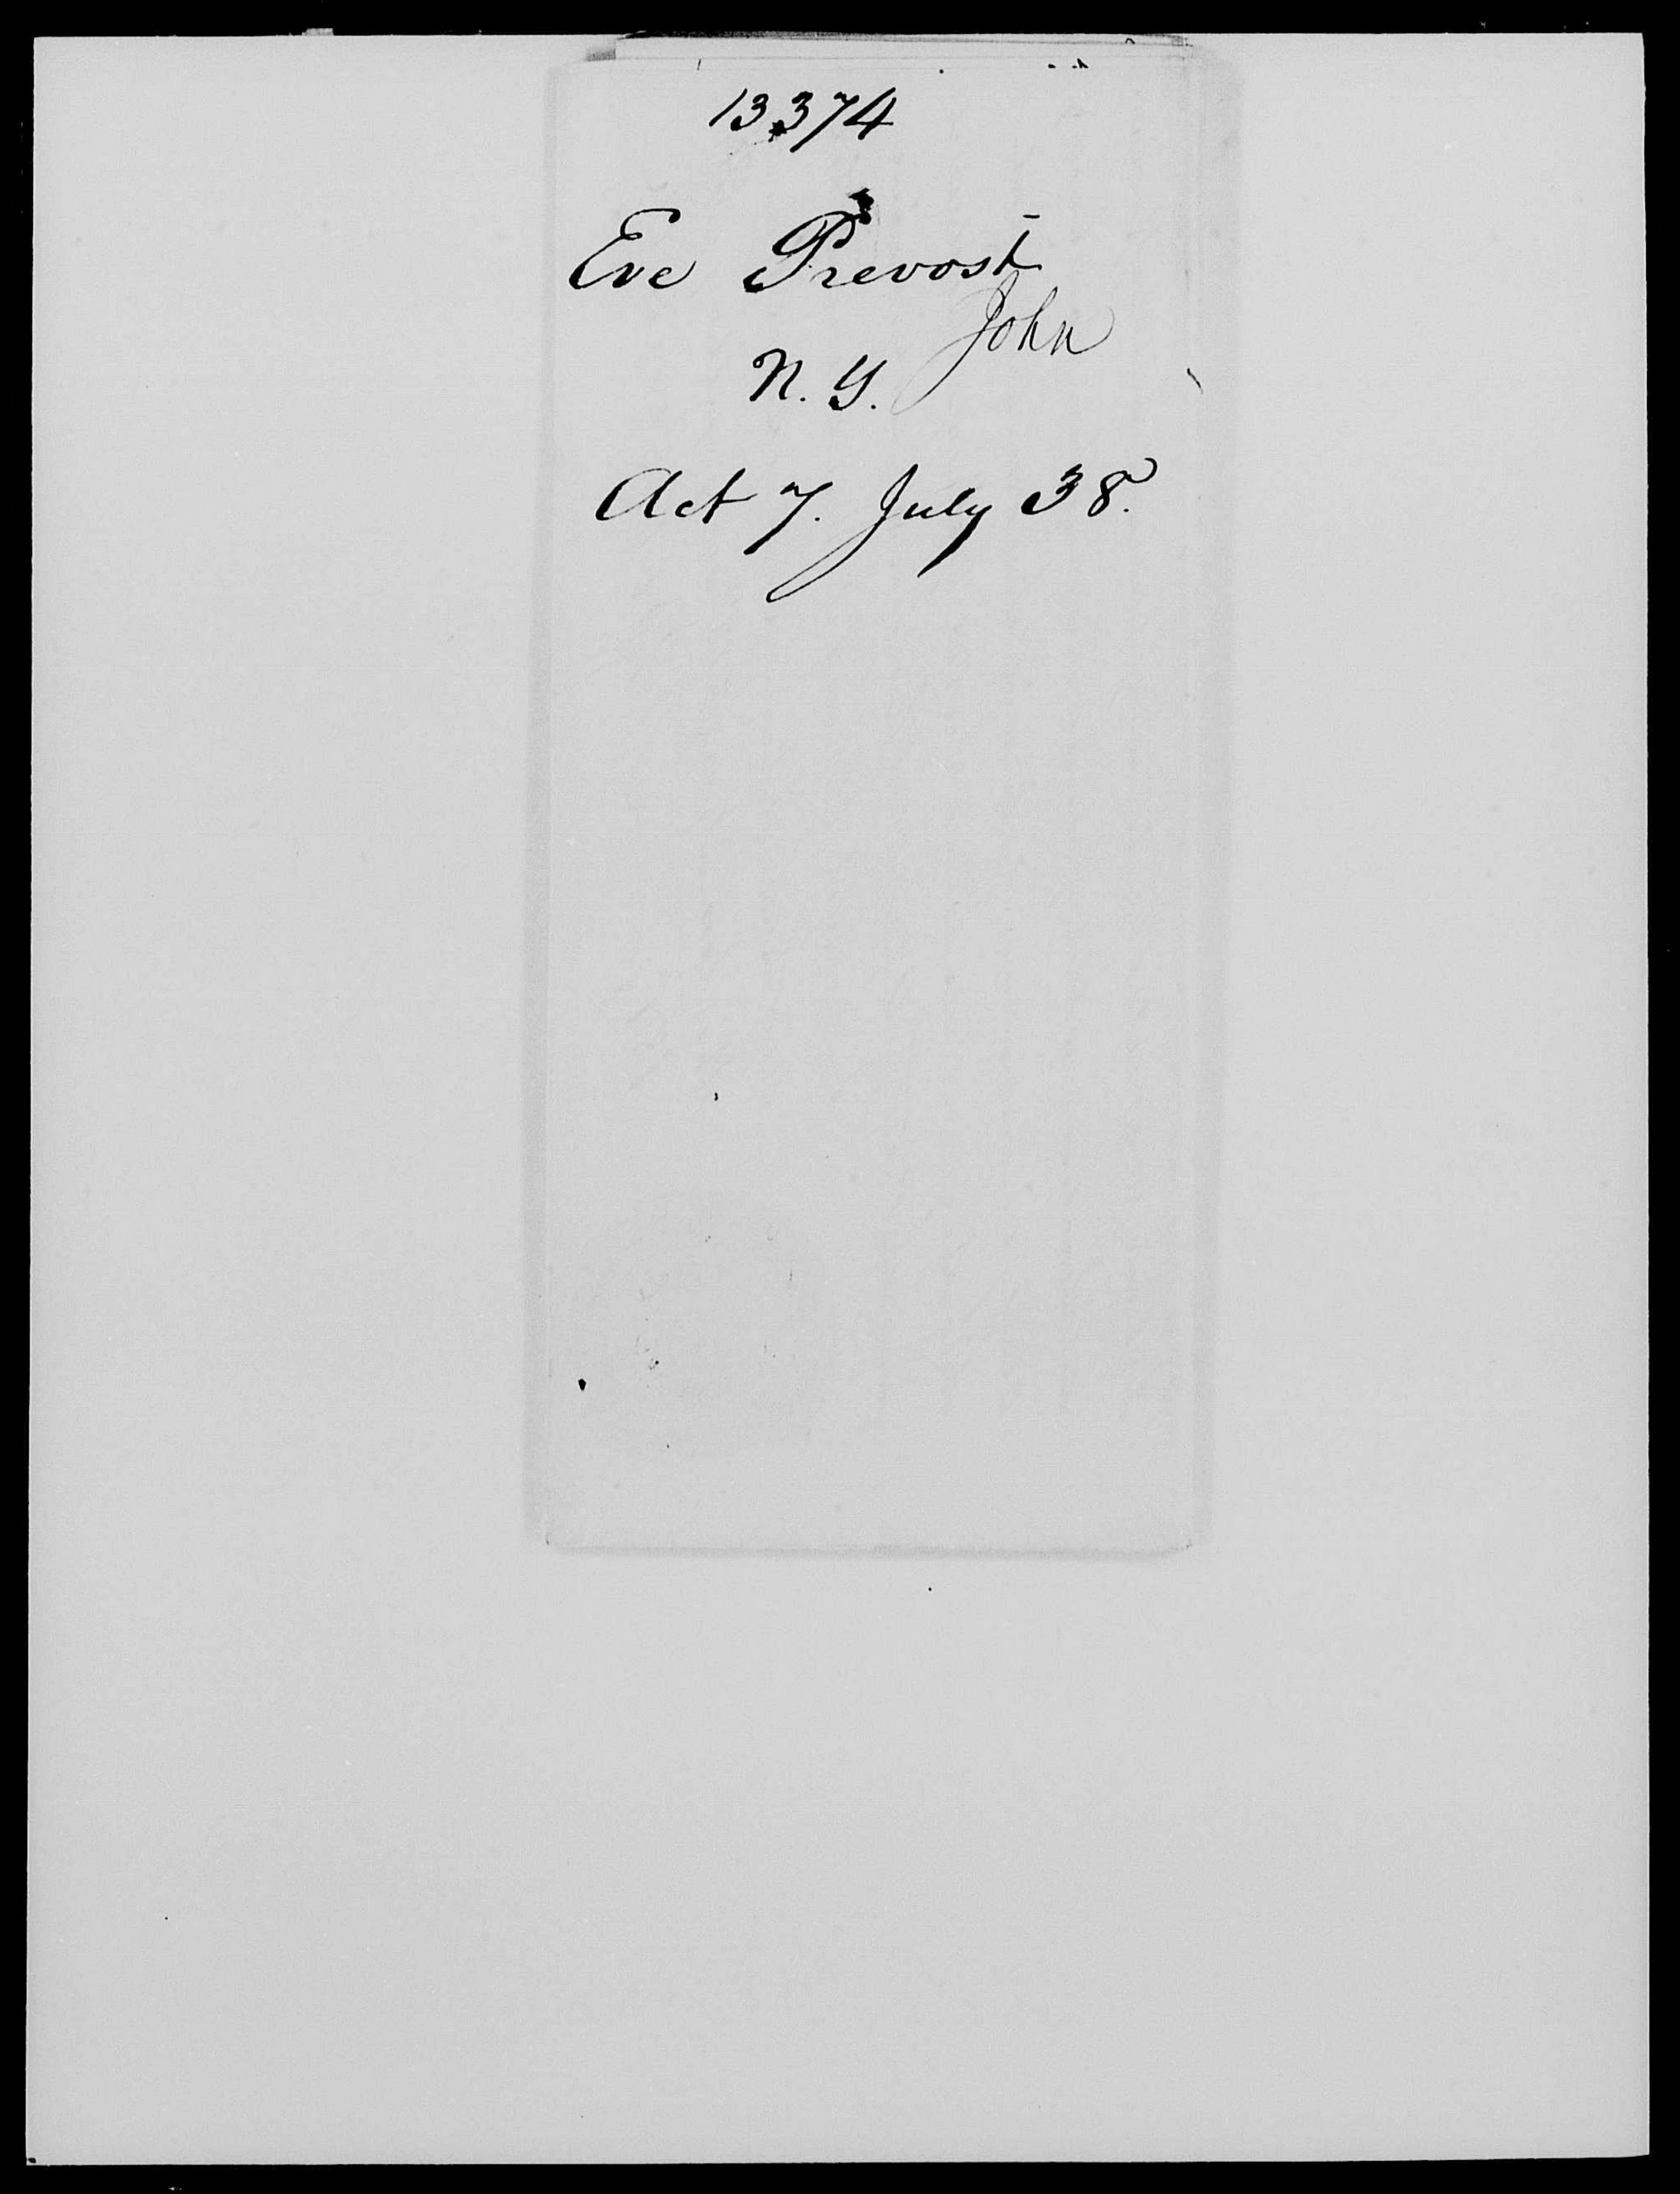13374 Eve Prevost N.Y. John Act 7. July 38.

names: John [BLANK]; Eve Prevost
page: 6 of 19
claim: rejected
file: R. 8454, for John Provoost, New Jersey